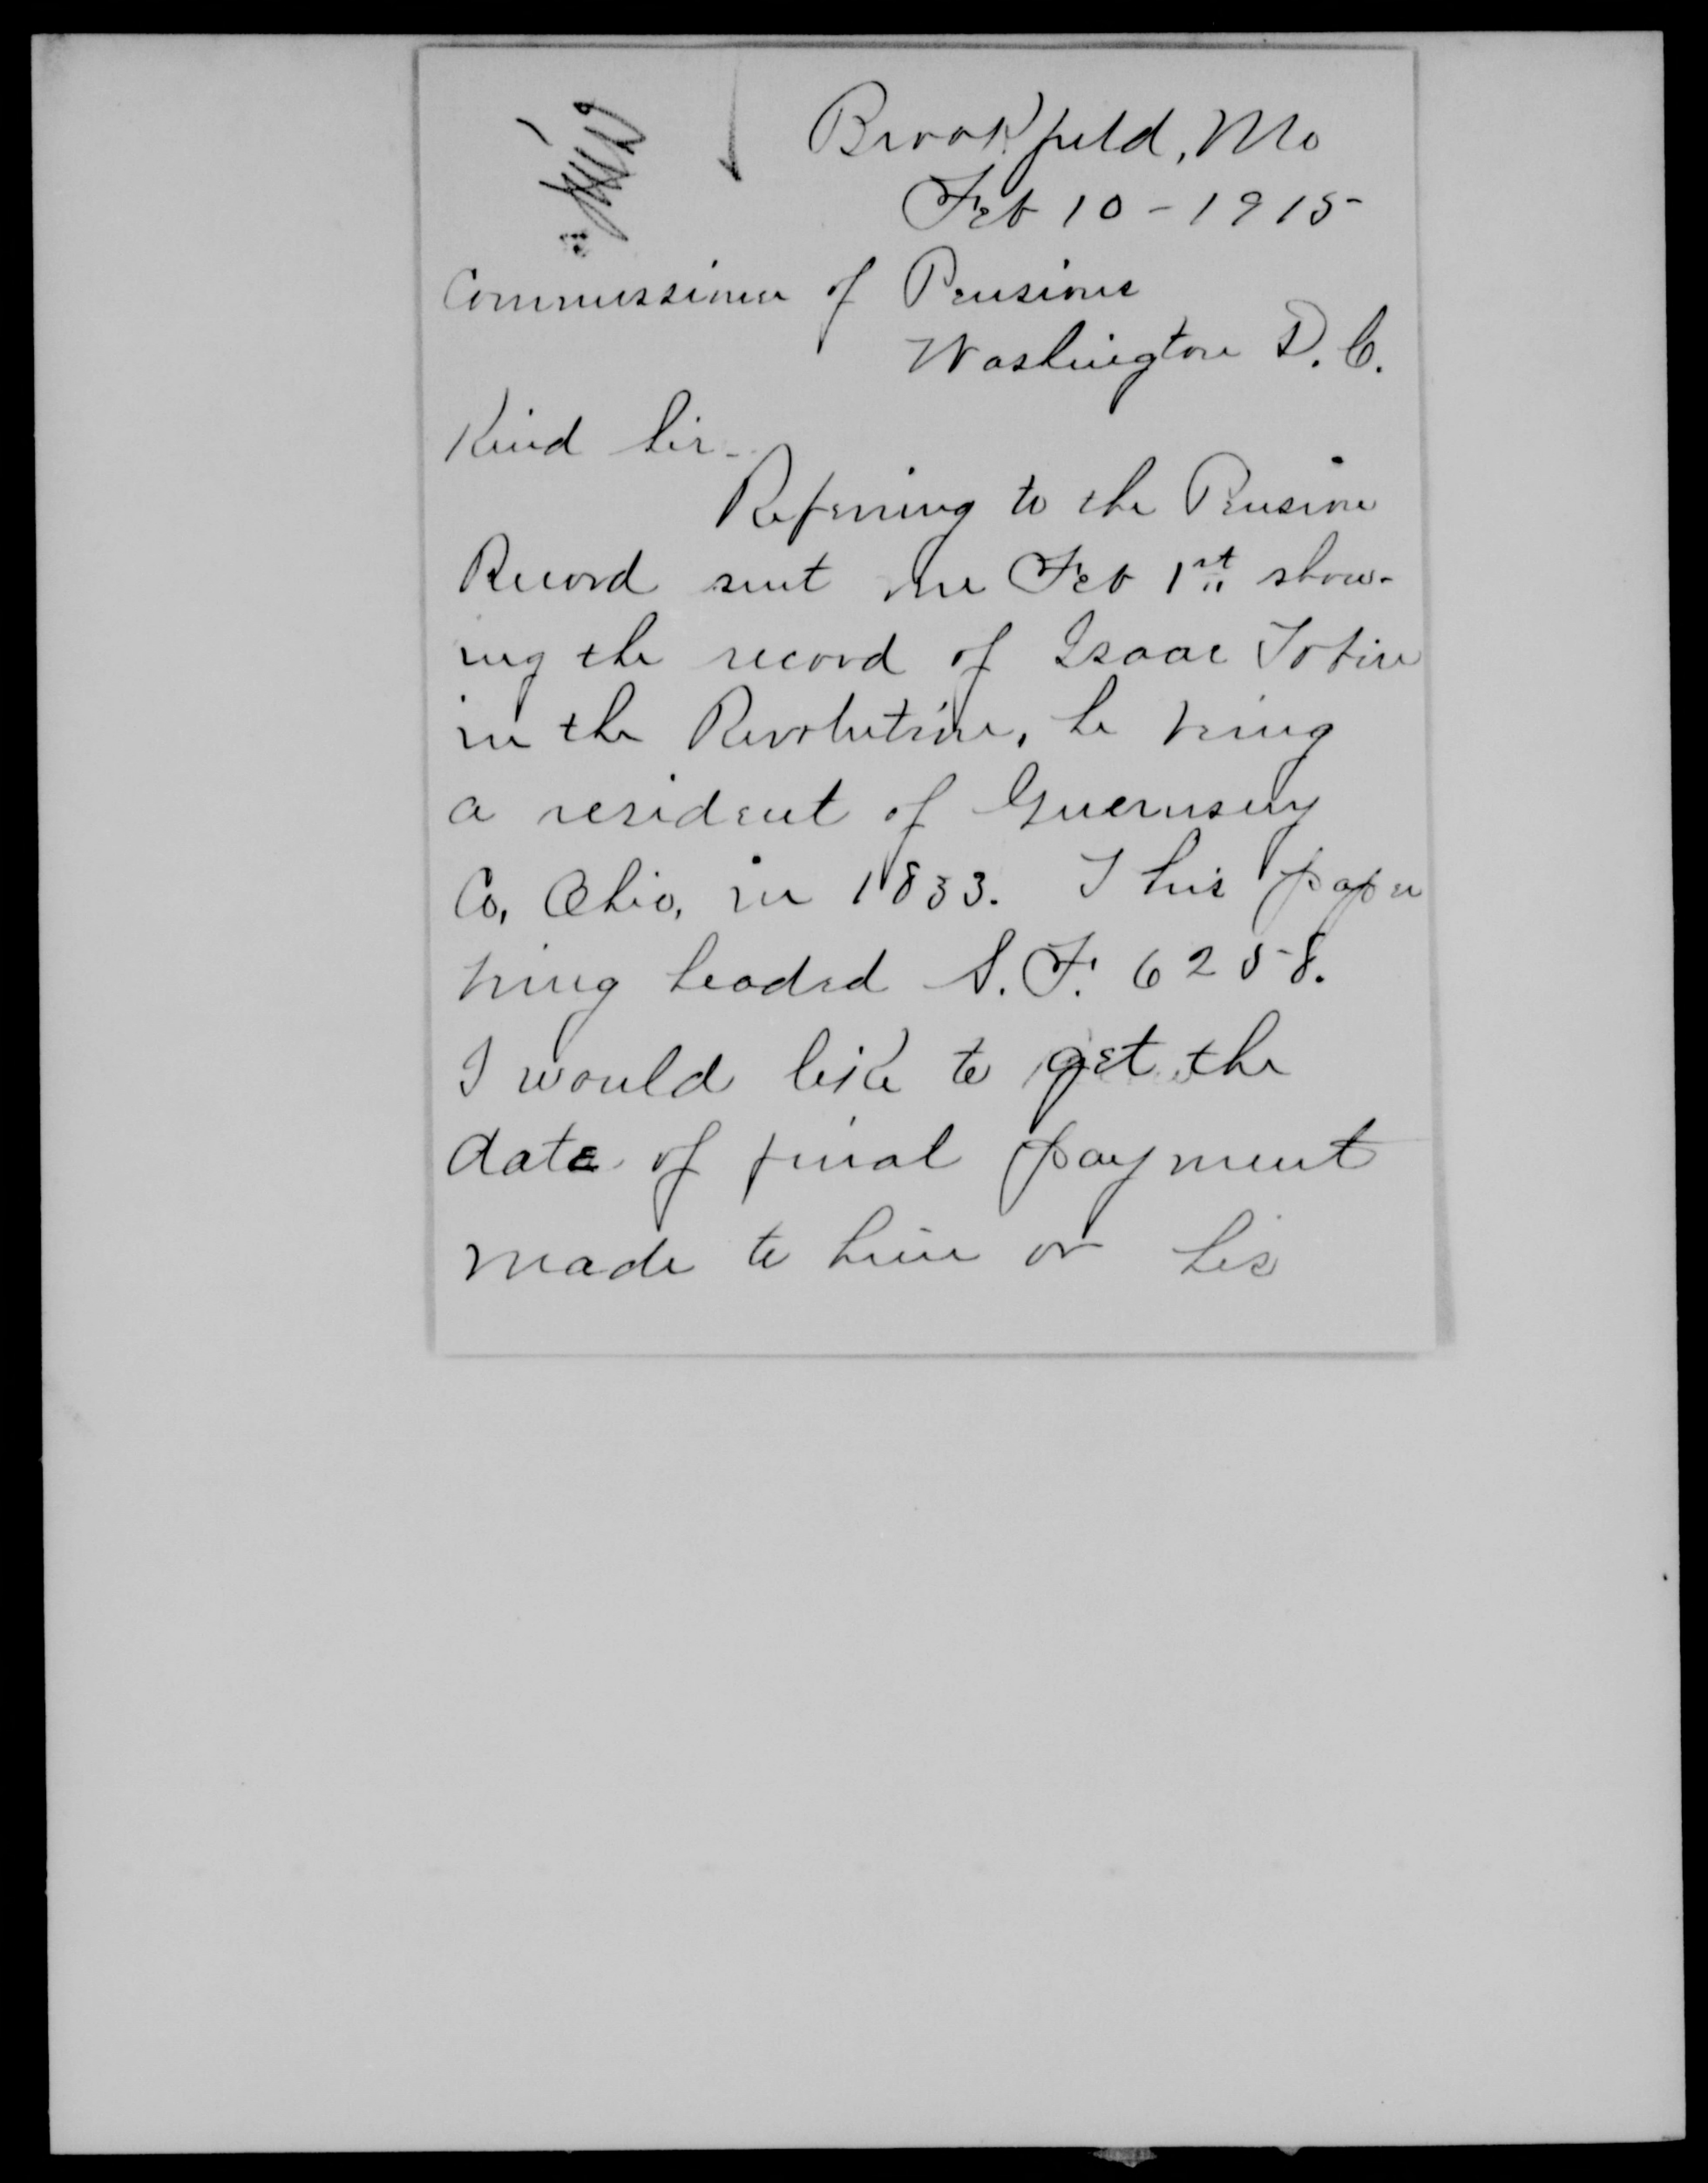Brookfield, Mo
Feb 10-1915
Commissioner of Pensions Washington D.C.
Kind Sir- Referring to the Pension Record sent me Feb 1st showing the record of Isaac Tobin in the Revolution, he being a resident of Guernsey Co. Ohio, in 1833. This paper being headed S. F. 6258. I would like to get the date of final payment made to him or his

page: 20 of 25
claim: survivor's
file: S. 6258, for Isaac Tobin, New Jersey